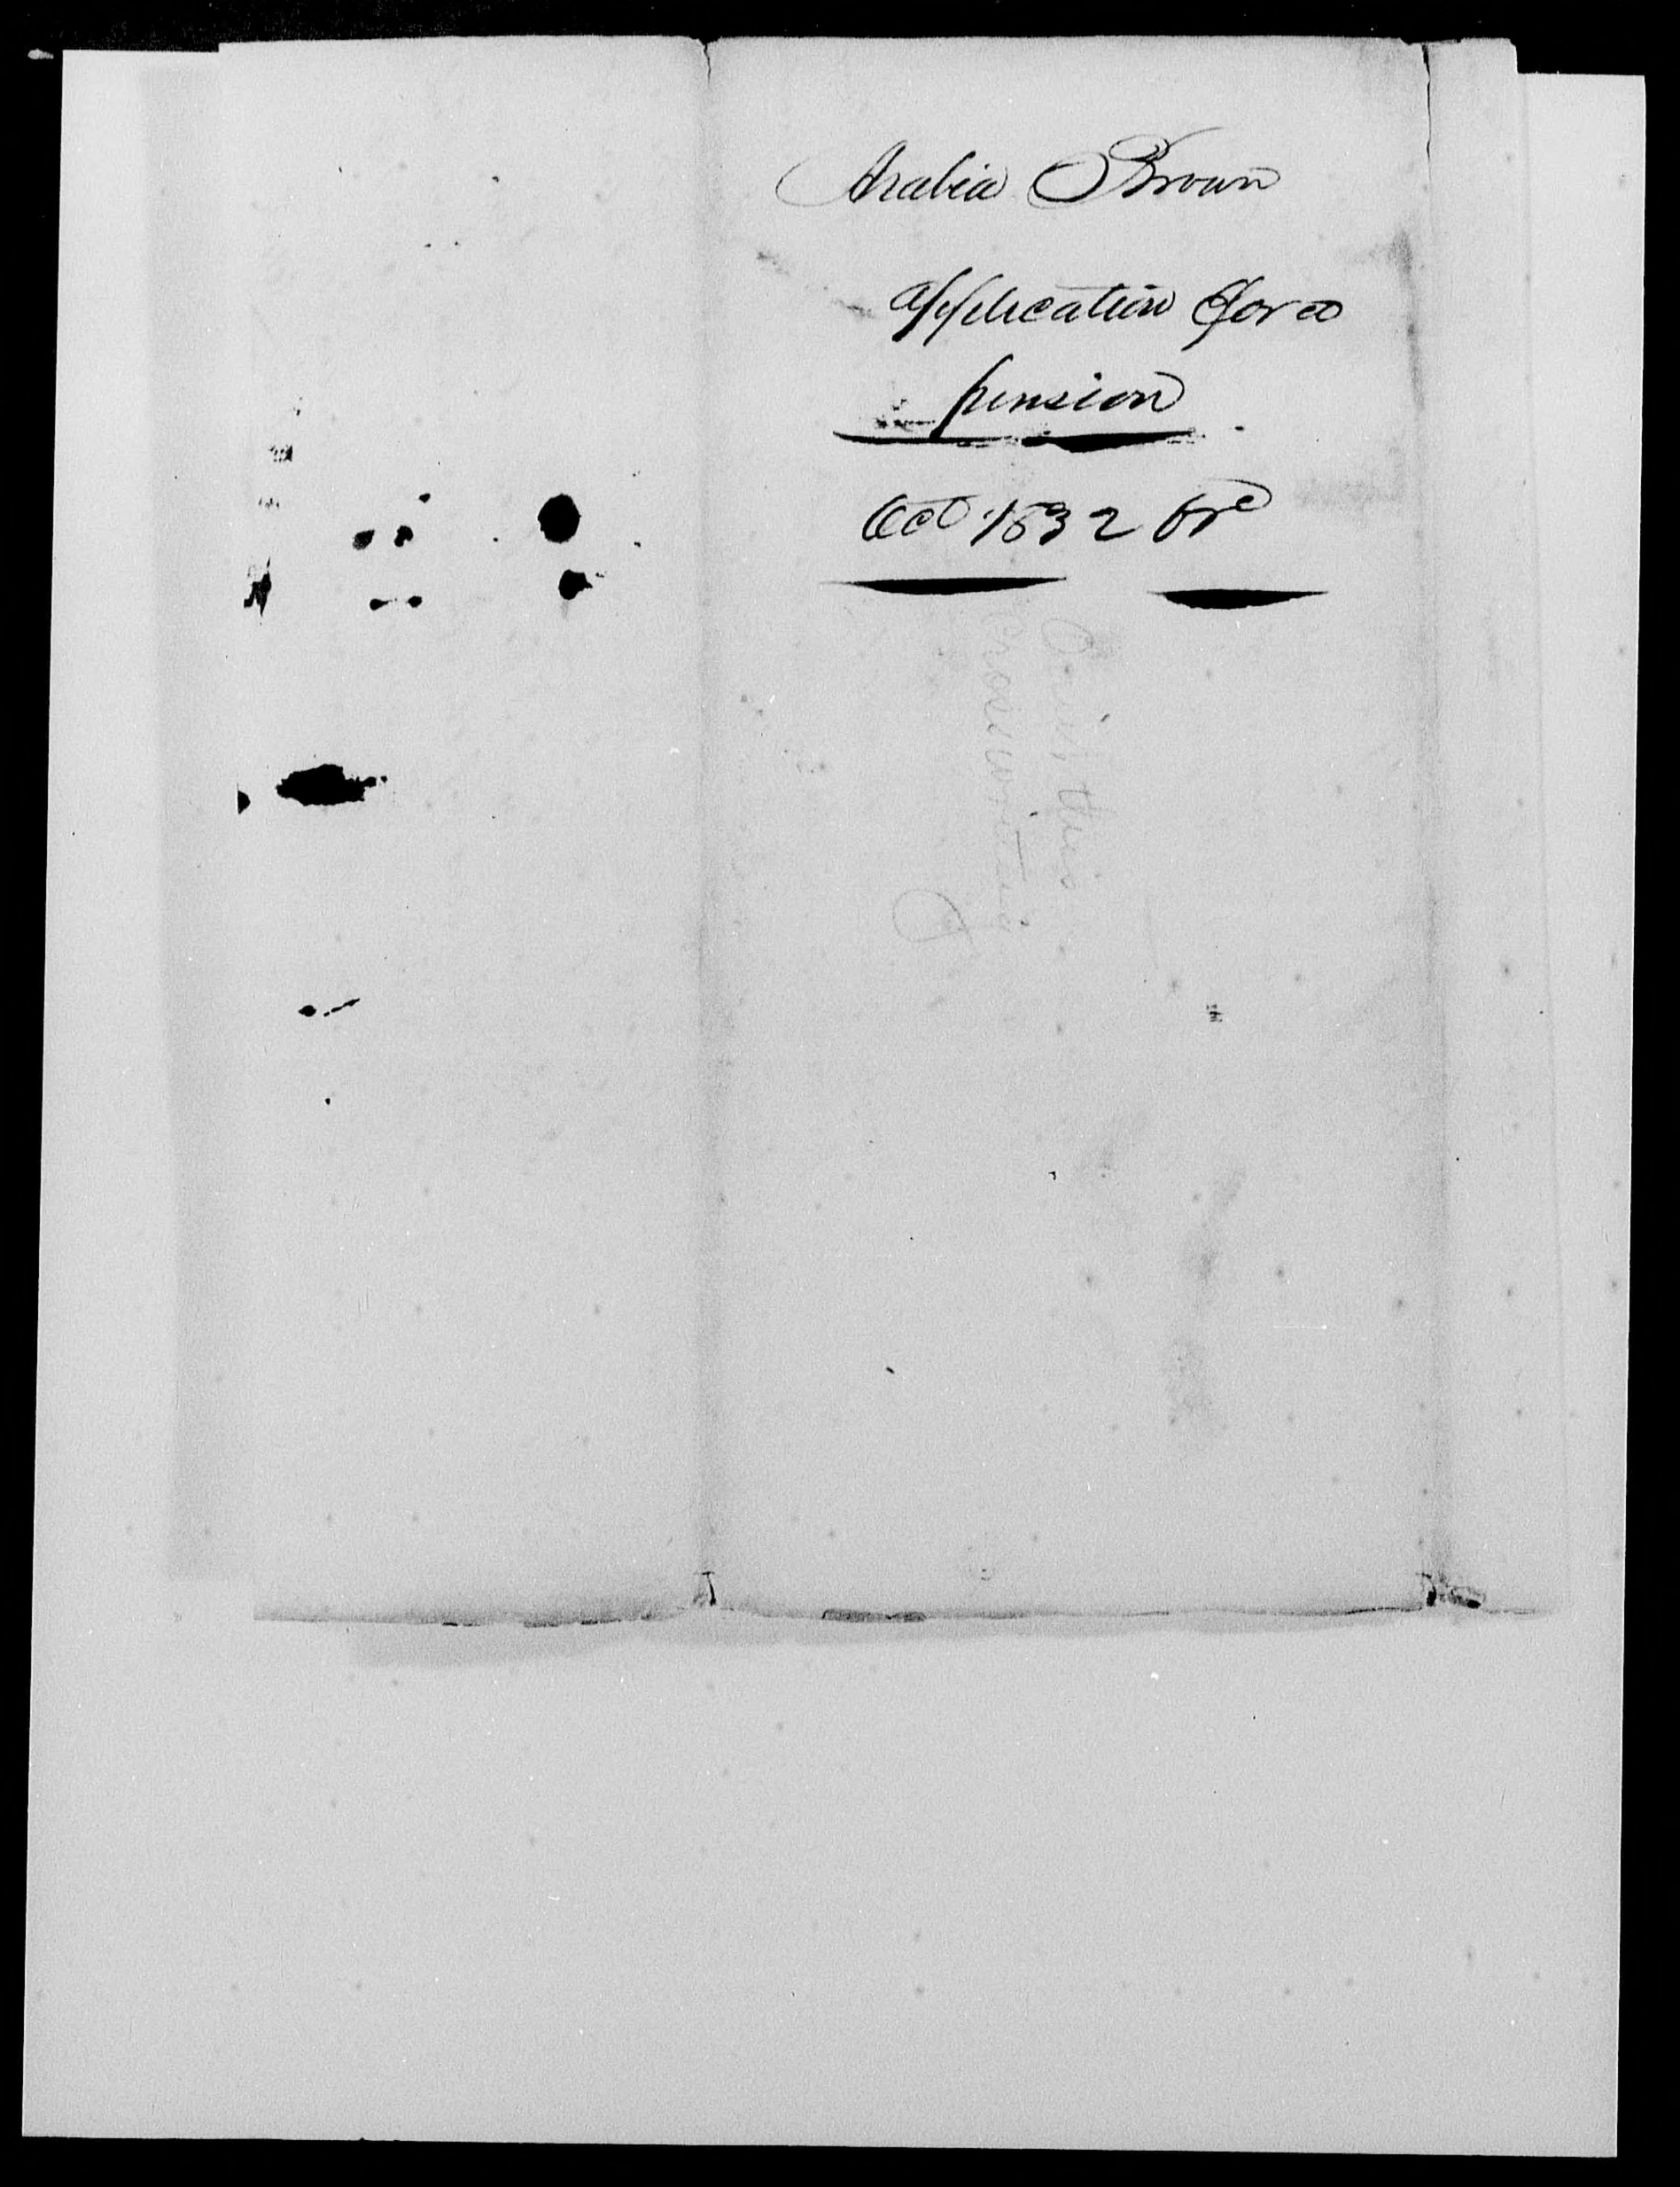Arabia Brown
Application for
pension
Oct 1832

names: Arabia Brown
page: 52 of 65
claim: widow's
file: W. 8384, Arabia Brown, Va.